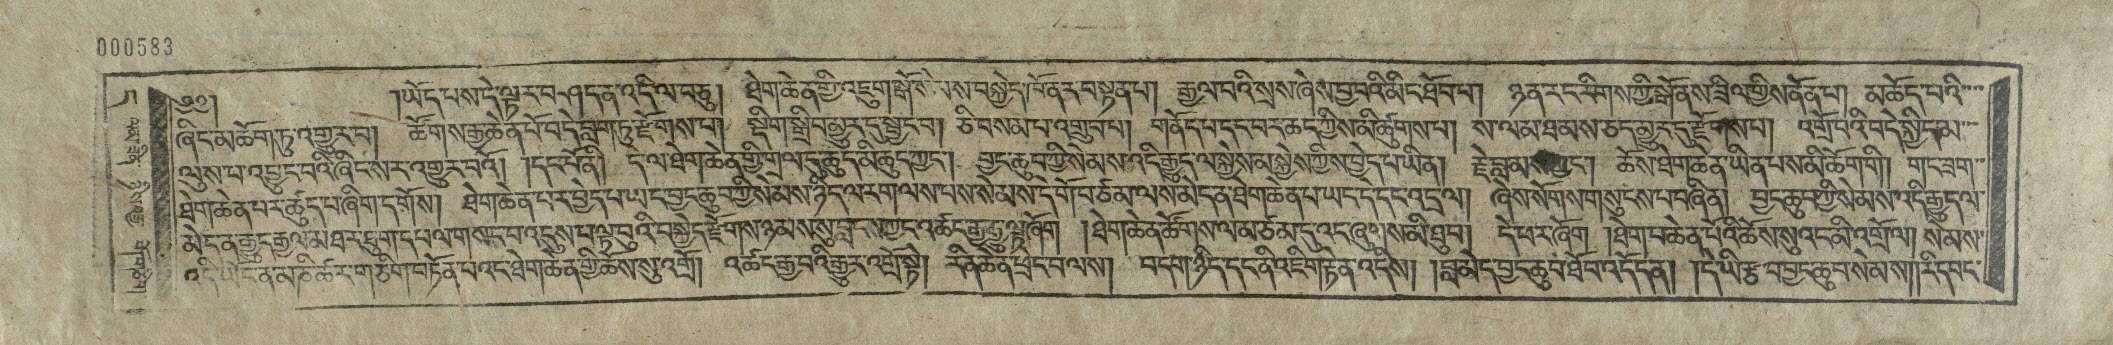༄༅། །ཡོད་པས་དེ་ལྟར་བཤད་ན་འདི་ལ་བཅུ། ཐེག་ཆེན་གྱི་འཇུག་སྒོ་སེམས་བསྐྱེད་ཁོ་ན་ར་བསྟན་པ། རྒྱལ་བའི་སྲས་ཞེས་བྱ་བའི་མིང་ཐོབ་པ། ཉན་རང་རིགས་ཀྱི་སྒོ་ནས་ཟིལ་གྱིས་ནོན་པ། མཆོད་པའི་
ཞིང་མཆོག་ཏུ་འགྱུར་བ། ཚོགས་རྒྱ་ཆེན་པོ་བདེ་བླག་ཏུ་རྫོགས་པ། སྡིག་སྒྲིབ་མྱུར་དུ་སྦྱང་བ། ཅི་བསམ་པ་འགྲུབ་པ། གནོད་པ་དང་བར་ཆད་ཀྱིས་མི་ཚུགས་པ། ས་ལམ་ཐམས་ཅད་མྱུར་དུ་རྫོགས་པ། འགྲོ་བའི་བདེ་སྐྱིད་མ་
ལུས་པ་འབྱུང་བའི་ཞིང་སར་འགྱུར་བའོ། །དང་པོ་ནི། དེ་ལ་ཐེག་ཆེན་གྱི་གྲལ་དུ་ཆུད་མི་ཆུད་ཀྱང་། བྱང་ཆུབ་ཀྱི་སེམས་འདི་རྒྱུད་ལ་སྐྱེས་མ་སྐྱེས་ཀྱིས་བྱེད་པ་ཡིན། རྗེ་བླ་མས་ཀྱང་། ཆོས་ཐེག་ཆེན་ཡིན་པས་མི་ཆོག་གི། གང་ཟག་
ཐེག་ཆེན་པར་ཚུད་པ་ཞིག་དགོས། ཐེག་ཆེན་པར་བྱེད་པ་ཡང་བྱང་ཆུབ་ཀྱི་སེམས་ཉིད་ལ་རག་ལས་པས་སེམས་དེ་གོ་བ་ཙམ་ལས་མེད་ན་ཐེག་ཆེན་པ་ཡང་དེ་དང་འདྲ་ལ། ཞེས་སོགས་གསུངས་པ་བཞིན། བྱང་ཆུབ་ཀྱི་སེམས་འདི་རྒྱུད་ལ་
མེད་ན་རྒྱུད་རྒྱལ་མཐར་ཐུག་དཔལ་གསང་བ་འདུས་པ་ལྟ་བུའི་བསྐྱེད་རྫོགས་ཉམས་སུ་བླངས་ཀྱང་འཚང་རྒྱ་རྒྱུ་ལྟ་ཞོག །ཐེག་ཆེན་ཚོགས་ལམ་ཙམ་དུའང་ཞུགས་མི་ཐུབ། དེ་ཕར་ཞོག །ཐེག་པ་ཆེན་པོའི་ཆོས་སུའང་མི་འགྲོ་ལ། སེམས་
འདི་ཡོད་ན་མ་ཎི་ཚར་གཅིག་བཏོན་པའང་ཐེག་ཆེན་གྱི་ཆོས་སུ་འགྲོ། འཚང་རྒྱ་བའི་རྒྱུར་འགྲོ་སྟེ། རིན་ཆེན་ཕྲེང་བ་ལས། བདག་ཉིད་དང་ནི་འཇིག་རྟེན་འདིས། །བླ་མེད་བྱང་ཆུབ་ཐོབ་འདོད་ན། །དེ་ཡི་རྩ་བ་བྱང་ཆུབ་སེམས། །རི་དབང་